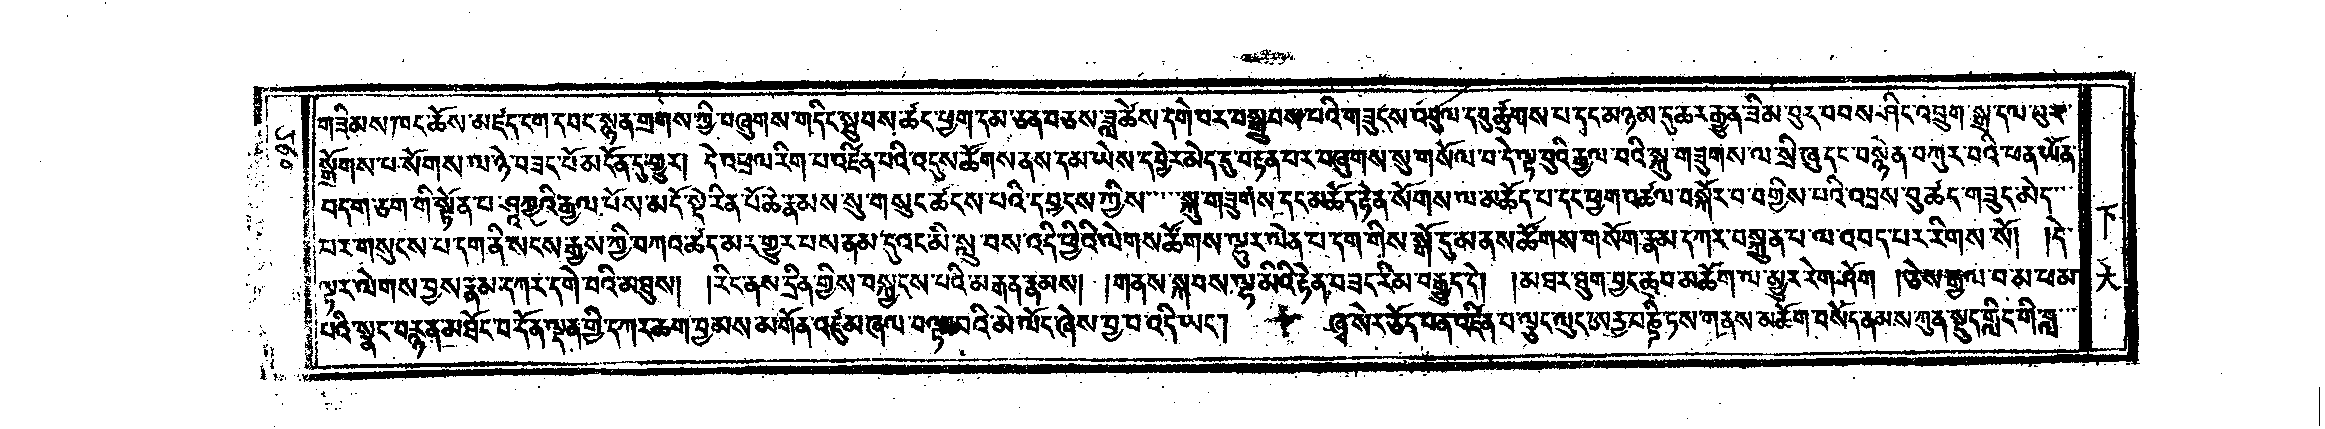གཟིམས་ཁང་ཆོས་མཛད་ངག་དབང་སྙན་གྲགས་ཀྱི་བཞུགས་གདིང་སྦུབས་ཚང་ཕྱག་དམ་ཅན་བཅས་ཟླ་ཚེས་དགེ་བར་བསྒྲུབས་པའི་གཟུངས་འབུལ་དབུ་ཚུགས་པ་དང་མཉམ་དུ་ཆར་རྒྱུན་ཟིམ་བུར་བབས་ཤིང་འབྲུག་སྒྲ་དལ་བུར་
སྒྲོགས་པ་སོགས་ལ་ཉེ་བཟང་པོ་མངོན་དུ་གྱུར། དེ་འཕྲལ་རིག་པ་འཛིན་པའི་འདུས་ཚོགས་ནས་དམ་ཡེས་དབྱེར་མེད་དུ་བརྟན་པར་བཞུགས་སུ་གསོལ་བ་དེ་ལྟ་བུའི་རྒྱལ་བའི་སྐུ་གཟུགས་ལ་སྲི་ཞུ་དང་བསྙེན་བཀུར་བའི་ཕན་ཡོན་
བདག་ཅག་གི་སྟོན་པ་ཤཱཀྱའི་རྒྱལ་པོས་མདོ་སྡེ་རིན་པོ་ཆེ་རྣམས་སུ་གསུང་ཚངས་པའི་དབྱངས་ཀྱིས་སྐུ་གཟུགས་དང་མཆོད་རྟེན་སོགས་ལ་མཆོད་པ་དང་ཕྱག་འཚལ་བསྐོར་བ་བགྱིས་པའི་འབྲས་བུ་ཚད་གཟུང་མེད་
པར་གསུངས་པ་དག་ནི་སངས་རྒྱས་ཀྱི་བཀའ་ཚད་མར་གྱུར་པས་ནམ་དུའང་མི་སླུ་བས་འདི་ཕྱིའི་ལེགས་ཚོགས་ལྷུར་ལེན་པ་དག་གིས་སྒོ་དུ་མ་ནས་ཚོགས་གསོག་རྣམ་དཀར་བསྐྲུན་པ་ལ་འབད་པར་རིགས་སོ། །དེ་
ལྟར་ལེགས་བྱས་རྣམ་དཀར་དགེ་བའི་མཐུས། །རིང་ནས་དྲིན་གྱིས་བསྐྱངས་པའི་མ་རྒན་རྣམས། །གནས་སྐབས་ལྷ་མིའི་རྟེན་བཟང་རིམ་བརྒྱུད་དེ། །མཐར་ཐུག་བྱང་ཆུབ་མཆོག་ལ་མྱུར་རེག་ཤོག །ཅེས་རྒྱལ་བ་མ་ཕམ་
པའི་སྣང་བརྙན་མཐོང་བ་དོན་ལྡན་གྱི་དཀར་ཆག་བྱམས་མགོན་འཛུམ་ཞལ་བལྟ་བའི་མེ་ལོང་ཞེས་བྱ་བ་འདི་ཡང་། ༧་ཞྭ་སེར་ཅོད་པན་འཛིན་པ་ལྕང་ལུང་ཨརྱ་པཎྜི་ཏས་གནས་མཆོག་བསོད་ནམས་ཀུན་སྡུད་གླིང་གི་བླ་